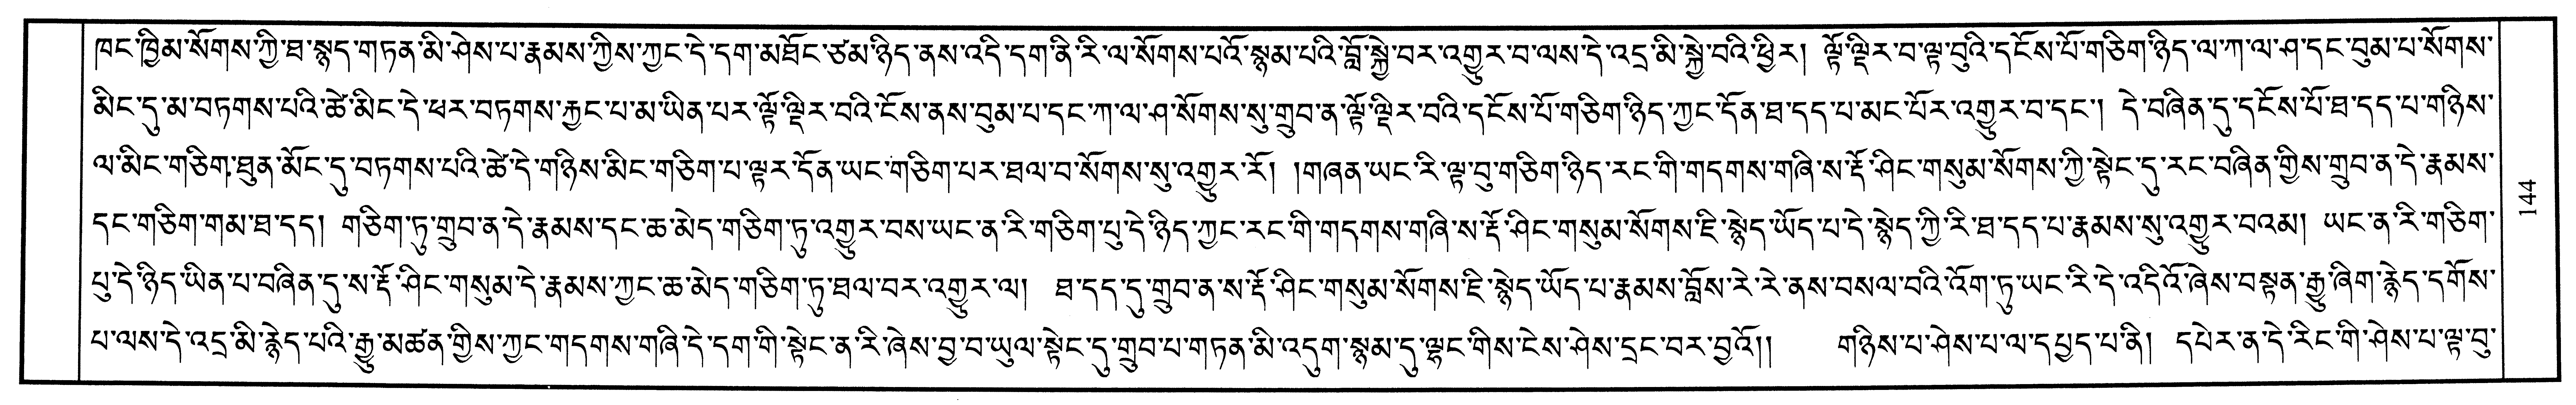ཁང་ཁྱིམ་སོགས་ཀྱི་ཐ་སྙད་གཏན་མི་ཤེས་པ་རྣམས་ཀྱིས་ཀྱང་དེ་དག་མཐོང་ཙམ་ཉིད་ནས་འདི་དག་ནི་རི་ལ་སོགས་པའོ་སྙམ་པའི་བློ་སྐྱེ་བར་འགྱུར་བ་ལས་དེ་འདྲ་མི་སྐྱེ་བའི་ཕྱིར། ལྟོ་ལྡིར་བ་ལྟ་བུའི་དངོས་པོ་གཅིག་ཉིད་ལ་ཀ་ལ་ཤ་དང་བུམ་པ་སོགས་
མིང་དུ་མ་བཏགས་པའི་ཚེ་མིང་དེ་ཕར་བཏགས་རྐྱང་པ་མ་ཡི་པར་ལྟོ་ལྡིང་བའི་ངོས་ནས་བུམ་པ་དང་ཀ་ལ་ཤ་སོགས་སུ་གྲུབ་ན་ལྟོ་ལྡིར་བའི་དངོས་པོ་གཅིག་ཉིད་ཉིད་ཀྱང་དོན་ཐ་དད་པ་མང་པོར་འགྱུར་བ་དང་། དེ་བཞིན་དུ་དངོས་པོ་ཐ་དད་པ་གཉིས་
ལ་མིང་གཅིག་ཐུན་མོང་དུ་བཏགས་པའི་ཚེ་དེ་གཉིས་མིང་གཅིག་པ་ལྟར་དོན་ཡང་གཅིག་པར་ཐལ་བ་སོགས་སུ་འགྱུར་རོ། །གཞན་ཡང་རི་ལྟ་བུ་གཅིག་ཉིད་རང་གི་གདགས་གཞི་ས་རྡོ་ཤིང་གསུམ་སོགས་ཀྱི་སྟེང་དུ་རང་བཞིན་གྱིས་གྲུབ་ན་དེ་རྣམས་
དང་གཅིག་གམ་ཐ་དད། གཅིག་ཏུ་གྲུབ་ན་དེ་རྣམས་དང་ཆ་མེད་གཅིག་ཏུ་འགྱུར་བས་ཡང་ན་རི་གཅིག་པུ་དེ་ཉིད་ཀྱང་རང་གི་གདགས་གཞི་ས་རྡོ་ཤིང་གསུམ་སོགས་ཇི་སྙེད་ཡོད་པ་དེ་སྙེད་ཀྱི་རི་ཐ་དད་པ་རྣམས་སུ་འགྱུར་བའམ། ཡང་ན་རི་གཅིག་
པུ་དེ་ཉིད་ཡིན་པ་བཞིན་དུ་ས་རྡོ་ཤིང་གསུམ་དེ་རྣམས་ཀྱང་ཆ་མེད་གཅིག་ཏུ་ཐལ་བར་འགྱུར་ལ། ཐ་དད་དུ་གྲུབ་ན་ས་རྡོ་ཤིང་གསུམ་སོགས་ཇི་སྙེད་ཡོད་པ་རྣམས་བློས་རེ་རེ་ནས་བསལ་བའི་འོག་ཏུ་ཡང་རི་དེ་འདིའོ་ཞེས་བསྟན་རྒྱུ་ཞིག་རྙེད་དགོས་
པ་ལས་དེ་འདྲ་མི་རྙེད་པའི་རྒྱུ་མཚན་གྱིས་ཀྱང་གདགས་གཞི་དེ་དག་གི་སྟེང་ན་རི་ཞེས་བྱ་བ་ཡུལ་སྟེང་དུ་གྲུབ་པ་གཏན་མི་འདུག་སྙམ་དུ་ལྷང་གིས་ངེས་ཤེས་དྲང་བར་བྱའོ།། གཉིས་པ་ཤེས་པ་ལ་དཔྱད་པ་ནི། དཔེར་ན་དེ་རིང་གི་ཤེས་པ་ལྟ་བུ་